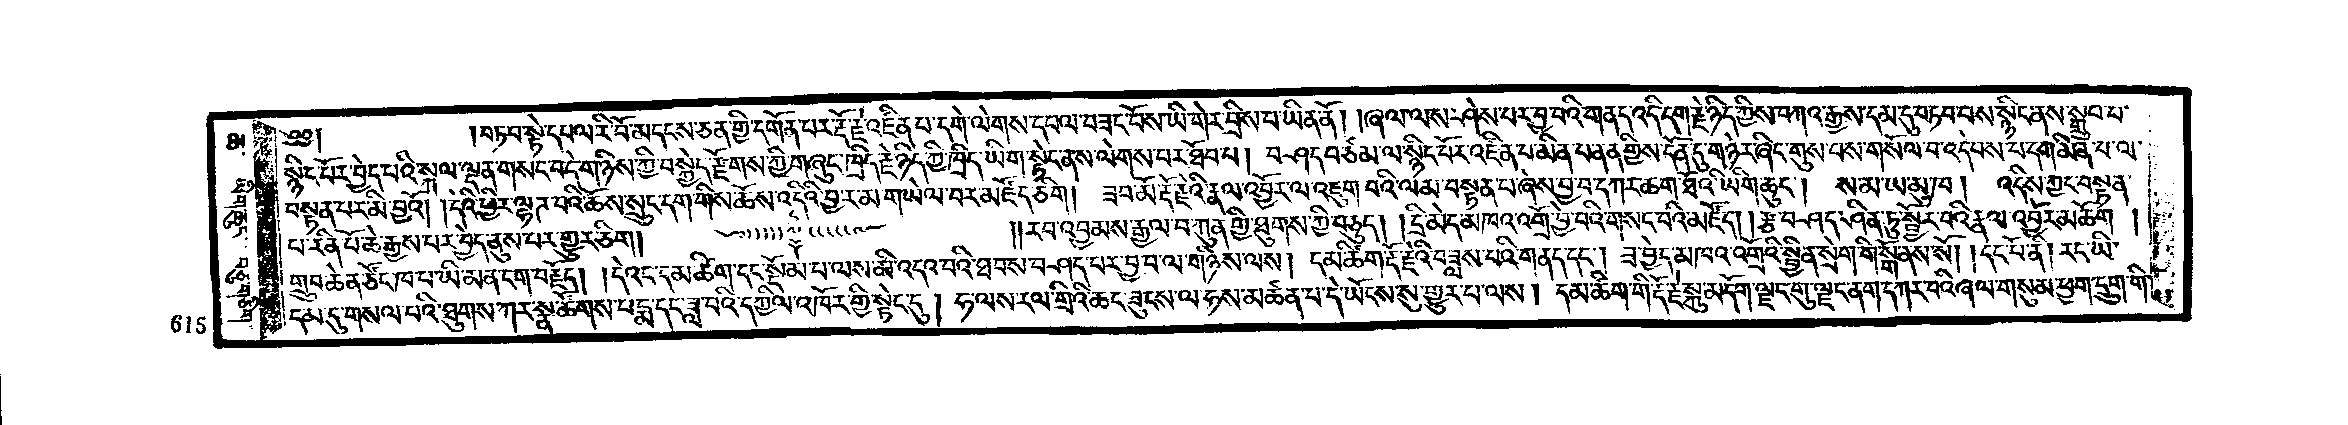༄༅། །བཏབ་སྟེ་དཔལ་རི་བོ་མདངས་ཅན་གྱི་དགོན་པར་རྡོ་རྗེ་འཛིན་པ་དགེ་ལེགས་དཔལ་བཟང་པོས་ཡི་གེར་བྲིས་པ་ཡིན་ནོ། །ཞལ་ལས་ཤེས་པར་བྱ་བའི་གནད་འདི་དག་རྗེ་ཉིད་ཀྱིས་བཀའ་རྒྱས་དམ་དུ་བཏབ་པས་སྙིང་ནས་སྒྲུབ་པ་
སྙིང་པོར་བྱེད་པའི་སྐལ་ལྡན་གསང་བདེ་གཉིས་ཀྱི་བསྐྱེད་རྫོགས་ཀྱི་གཞུང་ཁྲིད་རྗེ་ཉིད་ཀྱི་ཁྲིད་ཡིག་སྟེང་ནས་ལེགས་པར་ཐོབ་པ། བཤད་པ་ཙམ་ལ་སྙིང་པོར་འཛིན་པ་མིན་པ་ནན་གྱིས་དོན་དུ་གཉེར་ཞིང་གུས་པས་གསོལ་བ་འདེབས་པ་དག་མིན་པ་ལ་
བསྟན་པར་མི་བྱའོ། །དེའི་ཕྱིར་ལྷཌ་པའི་ཆོས་སྲུང་དག་གིས་ཆོས་འདིའི་བྱ་ར་མ་གཡེལ་བར་མཛོད་ཅིག །ཟབ་མོ་རྡོ་རྗེའི་རྣལ་འབྱོར་ལ་འཇུག་པའི་ལམ་བསྟན་པ་ཞེས་བྱ་བ་དཀར་ཆག་ཐོའི་ཡིག་ཆུང་། ས་མ་ཡ་མུ་ཁ། འདིས་ཀྱང་བསྟན་
པ་རིན་པོ་ཆེ་རྒྱས་པར་བྱེད་ནུས་པར་གྱུར་ཅིག ། ༈ །།རབ་འབྱམས་རྒྱལ་བ་ཀུན་གྱི་ཐུགས་ཀྱི་བཅུད། །དྲི་མེད་མཁའ་འགྲོ་བྱེ་བའི་གསང་བའི་མཛོད། །རྩ་བཤད་ཤིན་ཏུ་སྦྱོར་བའི་རྣལ་འབྱོར་མཆོག །
གྲུབ་ཆེན་ཙོང་ཁ་པ་ཡི་མན་ངག་བརྗོད། །དེའང་དམ་ཚིག་དང་སྡོམ་པ་ལས་མི་འདའ་བའི་ཐབས་བཤད་པར་བྱ་བ་ལ་གཉིས་ལས། དམ་ཚིག་རྡོ་རྗེའི་བཟླས་པའི་གནད་དང་། ཟ་བྱེད་མཁའ་འགྲོའི་སྦྱིན་སྲེག་གི་སྒོ་ནས་སོ། །དང་པོ་ནི། རང་ཡི་
དམ་དུ་གསལ་པའི་ཐུགས་ཀར་སྣ་ཚོགས་པདམ་དང་ཟླ་བའི་དཀྱིལ་འཁོར་གྱི་སྟེང་དུ། ཧ་ལས་རལ་གྲིའི་ཆང་ཟུངས་ལ་ཧས་མཚན་པ་དེ་ཡོངས་སུ་གྱུར་པ་ལས། དམ་ཚིག་གི་རྡོ་རྗེ་སྐུ་མདོག་ལྗང་གུ་ལྗང་ནག་དཀར་བའི་ཞལ་གསུམ་ཕྱག་དྲུག་གི་